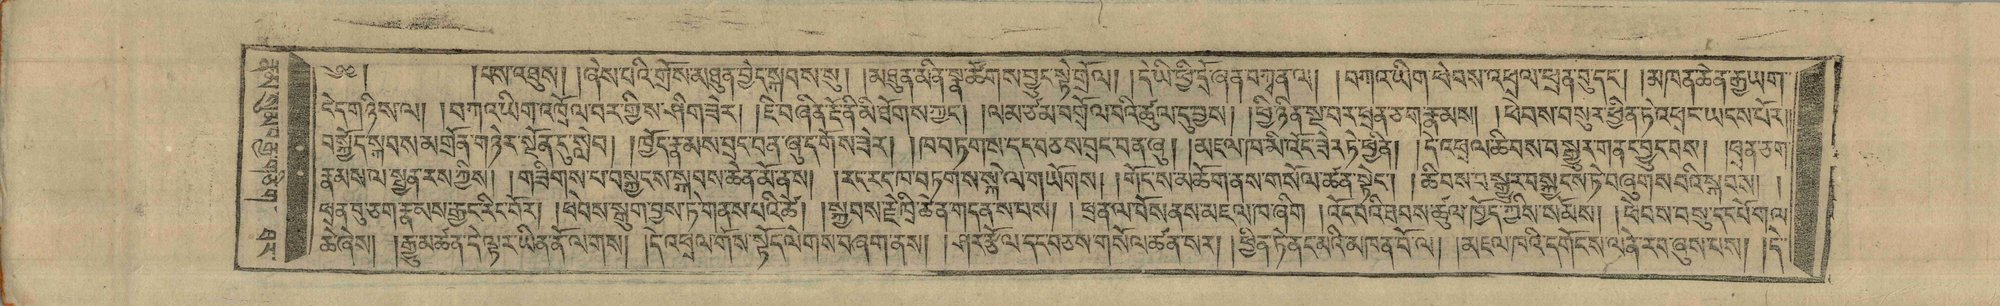༄༅། །པས་འཐུས། །ཞེས་པའི་གྲོས་མཐུན་བྱེད་སྐབས་སུ། །མཐུན་མིན་སྣ་ཚོགས་བྱུང་སྟེ་གྲོལ། །དེ་ཡི་ཕྱི་དྲོ་ཞན་བཀྭན་ལ། །བཀའ་ཡིག་ཕེབས་འཕྲལ་ཕྲན་བུ་དང་། །མཁན་ཆེན་རྒྱ་ཡག་
ངེད་གཉིས་ལ། །བཀའ་ཡིག་འཁྲོལ་བར་གྱིས་ཤིག་ཟེར། །ཇི་བཞིན་རྔོ་ནི་མི་ཐོགས་ཀྱང་། །ལམ་ཙམ་བགྲོལ་བའི་ཚུལ་དུ་བྱས། །ཕྱི་ཉིན་སྔ་བར་ཕྲན་ཅག་རྣམས། །ཕེབས་བསུར་ཕྱིན་ཏེ་འཕྲང་ཡངས་པོར། །
བསྐྱོད་སྐབས་མགྲོན་གཉེར་སྔོན་དུ་སླེབ། །ཁྱོད་རྣམས་བྲང་བན་ཞུ་དགོས་ཟེར། །ཁ་བཏགས་དང་བཅས་བྲང་བན་ཞུ། །མཇལ་ཁ་མི་འོང་ཟེར་ཏེ་ཕྱིན། །དེ་འཕྲལ་ཆིབས་བསྒྱུར་གནང་བྱུང་བས། །ཕྲན་ཅག་
རྣམས་ལ་སྤྱན་རས་ཀྱིས། །གཟིགས་པ་བསྐྱངས་སྐབས་ཆེན་མོ་ནས། །རང་རང་ཁ་བཏགས་སྐེ་ལ་གཡོགས། །གོང་ས་མཆོག་ནས་གསོལ་ཚན་སྟེང་། །ཆིབས་བསྒྱུར་བསྐྱངས་ཏེ་བཞུགས་བའི་སྐབས། །
ཕྲན་བུ་ཅག་རྣམས་རྒྱང་རིང་པོར། །ཕེབས་སྒུག་བྱས་ཏེ་གནས་པའི་ཚེ། །སྐྱབས་རྗེ་ཁྲི་ཆེན་གདན་ས་པས། །ཕྲན་ལ་བོས་ནས་མཇལ་ཁ་ཞིག །འོང་བའི་ཐབས་ཚུལ་ཁྱོད་ཀྱིས་སེམས། །ཕེབས་བསུ་དང་པོ་གལ་
ཆེ་ཞེས། །རྒྱུ་མཚན་དེ་ལྟར་ཡིན་ནོ་ལགས། །དེ་འཕྲལ་གོས་སྟོད་ལེགས་བཞག་ནས། །ཤར་རྩོལ་དང་བཅས་གསོལ་ཚན་སར། །ཕྱིན་ཏེ་ནང་མའི་མཁན་པོ་ལ། །མཇལ་ཁའི་དགོངས་ལེན་རབ་ཞུས་པས། །དེ་